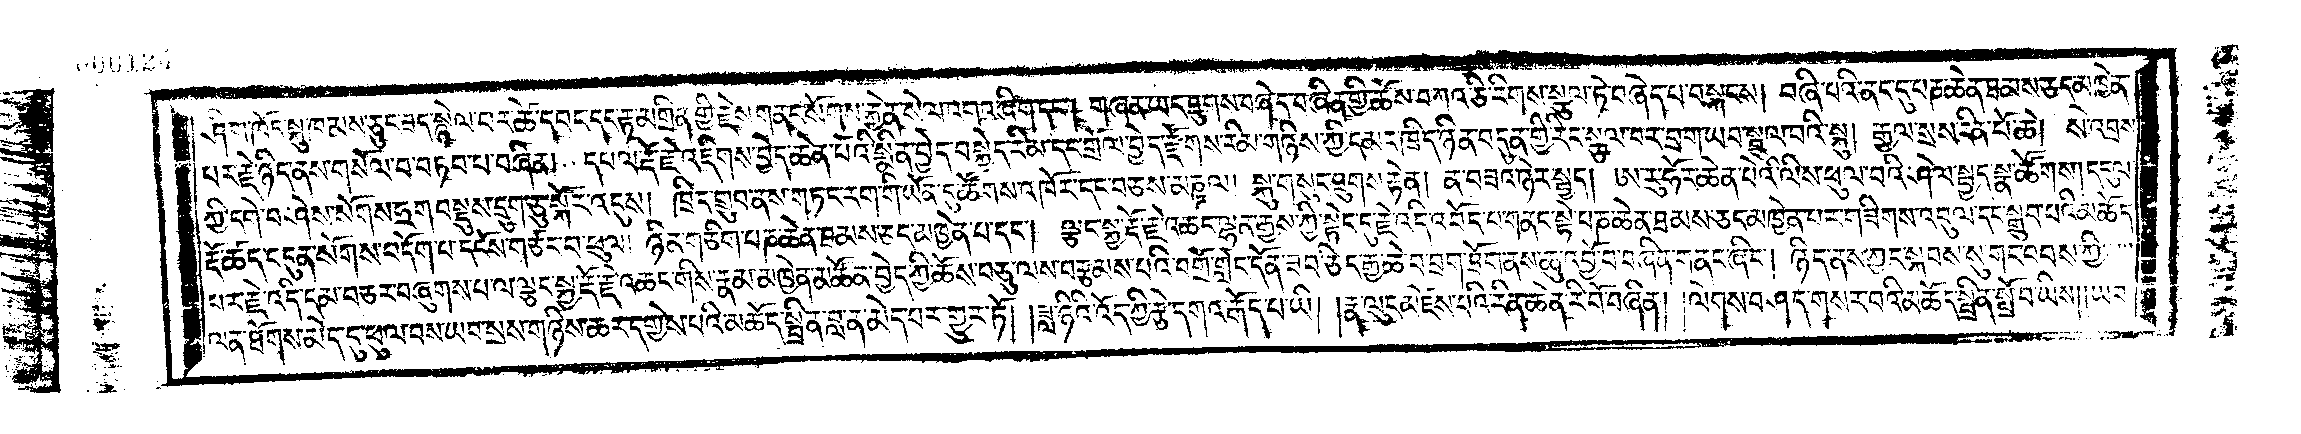ཤིག་ཁོང་སྐུ་ཁམས་ཅུང་ཟད་སྙེལ་བར་ཚེ་དབང་དང་རྟ་མགྲིན་གྱི་རྗེས་གནང་སོགས་རྐྱེན་སེལ་འགའ་ཞིག་དང་། གཞན་ཡང་ཐུགས་བཞེད་བཞིན་གྱི་ཆོས་བཀའ་ཅི་རིགས་སྩལ་ཏེ་བཞེད་པ་བསྐངས། བཞི་པའི་ནང་དུ་པཎ་ཆེན་ཐམས་ཅད་མཁྱེན་
པར་རྗེ་ཉིད་ནས་གསོལ་བ་བཏབ་པ་བཞིན། དཔལ་རྡོ་རྗེ་འཇིགས་བྱེད་ཆེན་པོའི་སྨིན་བྱེད་བསྐྱེད་རིམ་དང་གྲོལ་བྱེད་རྫོགས་རིམ་གཉིས་ཀྱི་དམར་ཁྲིད་ཉིན་བདུན་གྱི་རིང་སྩལ་པར་བྲག་ཡབ་སྤྲུལ་པའི་སྐུ། རྒྱལ་སྲས་རིན་པོ་ཆེ། སེ་འབྲས་
ཀྱི་དགེ་བཤེས་སོགས་ཧྲག་བསྡུས་དྲུག་ཅུ་སྐོར་འདུས། ཁྲིད་གྲུབ་ནས་གཏང་རག་གི་ཡོན་དུ་ཚོགས་འཁོར་དང་བཅས་མཎྜལ། སྐུ་གསུང་ཐུགས་རྟེན། ན་བཟའ་ཉེར་སྤྱད། ཨ་རུ་ཧོར་ཆེན་པོའི་ལིས་ཕུལ་བའི་ཤེལ་སྤྱད་སྣ་ཚོགས། དངུལ་
རྡོ་ཚད་བདུན་སོགས་བདོག་པ་དངོས་གཙང་བ་ཕུལ། ཉིན་གཅིག་པཎ་ཆེན་ཐམས་ཅད་མཁྱེན་པ་དང་། ལྕང་སྐྱ་རྡོ་རྗེ་འཆང་ལྷན་རྒྱས་ཀྱི་སྟེང་དུ་རྗེ་འདི་འབོད་པ་གནང་སྟེ་པཎ་ཆེན་ཐམས་ཅད་མཁྱེན་པར་གཟིགས་འབུལ་དང་སྒྲུབ་པའི་མཆོད་
པར་རྗེ་འདི་དམ་བཅར་བཞུགས་པ་ལ་ལྕང་སྐྱ་རྡོ་རྗེ་འཆང་གིས་རྣམ་མཁྱེན་མཚོན་བྱེད་ཀྱི་ཆོས་བཅུ་ལས་བརྩམས་པའི་བགྲོ་གླེང་དོན་ཟབ་ཅིང་རྒྱ་ཆེ་བ་བྲག་ཐོག་ནས་ཆུ་འབྱོ་བ་བཞིན་གནང་ཞིང་། ཉིད་ནས་ཀྱང་སྐབས་སུ་གང་བབས་ཀྱི་
ལན་ཐོགས་མེད་དུ་ཕུལ་བས་ཡབ་སྲས་གཉིས་ཆར་དགྱེས་པའི་མཆོད་སྤྲིན་བླ་ན་མེད་པར་གྱུར་ཏོ། །ཟླ་ཉིའི་འོད་ཀྱི་རྩེ་དགའ་རྒོད་པ་ཡི། །རྣ་ལུང་མཛེས་པའི་རིན་ཆེན་རི་བོ་བཞིན། །ལེགས་བཤད་གསར་བའི་མཆོད་སྤྲིན་སྤྲོ་བ་ཡིས། །ཡབ་